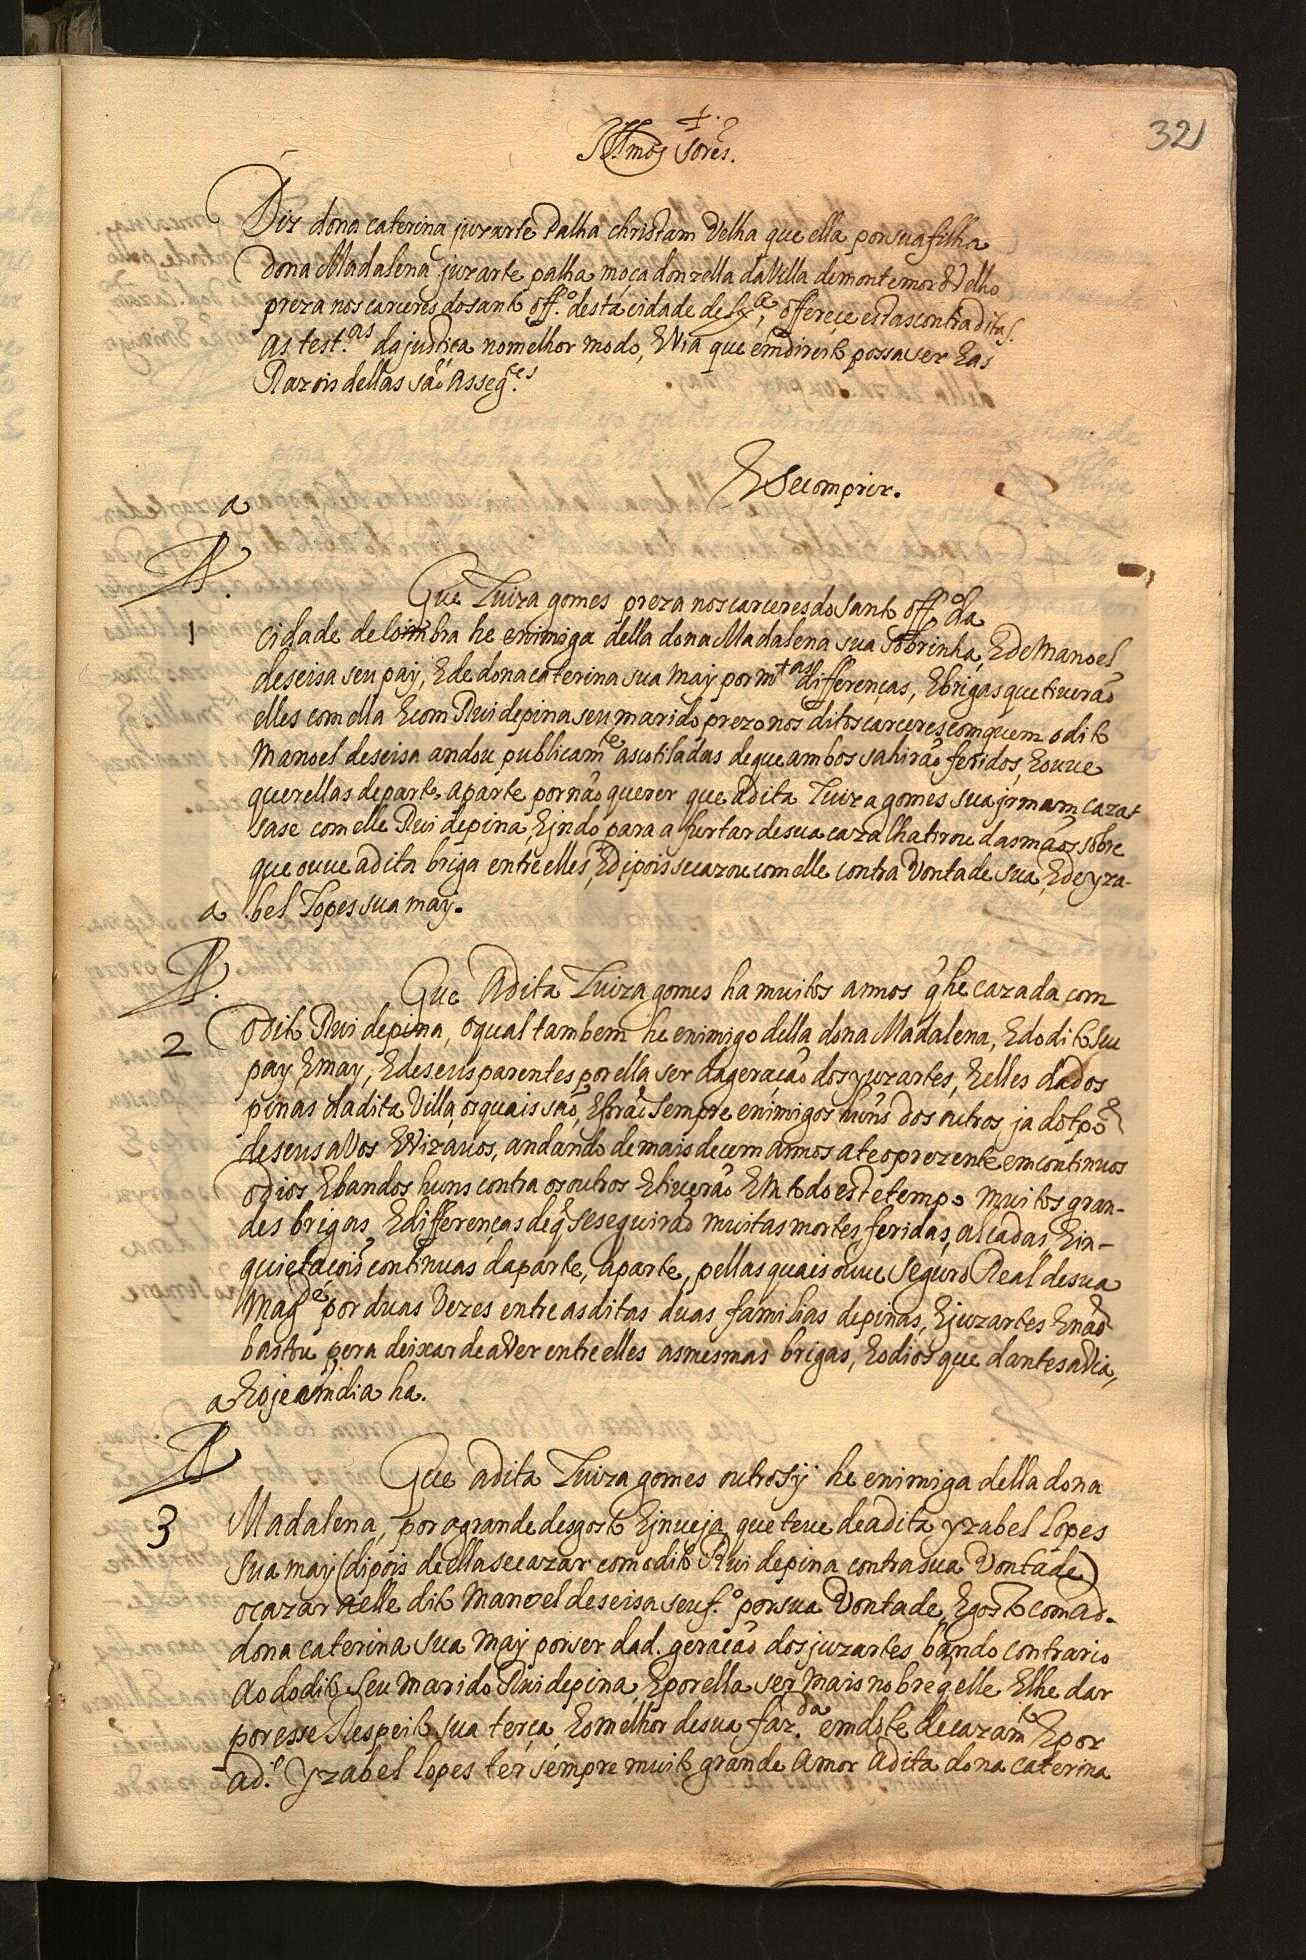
Ill.m̄os sorēs
Diz dona caterina juzarte Palha christam Velha que ella por sua filha
dona Madalena juzarte palha moça donzella da Villa de montemor o Velho
preza nos carceres do santo offo. desta cidade de Lxa, offerece estas contraditas.
as test.as da justiça no melhor modo, E Via que em direito possa ser E as
Razois dellas são as seg.tes
E se comprir.
Que Luiza gomes preza nos carceres do santo offo. da
cidade de Coimbra he enimiga della dona Madalena sua sobrinha, E de manoel
de seisa seu pay, E de dona caterina sua may por mtas differenças, E brigas que tiuerão
elles com ella E com Rui de pina seu marido prezo nos ditos carceres com quem o dito
manoel de seisa andou publicamte as cotiladas de que ambos sahirão feridos, E ouue
querellas de parte a parte por não querer que a dita Luiza gomes sua jrmam cazas
sase com elle Rui de pina, E jndo para a furtar de sua caza lha tirou das mãos sobre
que ouue a dita briga entre elles, E dipois se cazou com elle contra Vontade sua, E de yza
bel Lopes sua may.
P. Que a dita Luiza gomes ha muitos annos q̄ he cazada com
2 o dito Rui de pina, o qual tambem he enimigo della dona Madalena, E do dito seu
pay, E may, E de seus parentes por ella ser da geração dos yuzartes, E elles da dos
pinas da dita Villa, os quais são, E forão sempre enimigos hun̄s dos outros ja do tpō
de seus avos E vizauos, andando de mais de cem annos ate o prezente em continuos
odios E bandos huns contra os outros E tiuerão Em todo erte tempo muitos gran
des brigas E differenças de q̄ se seguirão muitas mortes, feridas, alçadas, E in
quietaçõis continuas da parte, a parte, pellas quais ouue seguro Real de sua
Magde por duas vezes entre as ditas duas familias de pinas, E juzartes E não
bastou pera deixar de aver entre elles as mesmas brigas, E odios que dantes avia
E oje em dia ha.
P Que a dita Luiza gomes outrosy he enimiga della dona
3 Madalena, por o grande desgosto E inueja que teue de a dita yzabel Lopes
sua may (dipois de ella se cazar com o dito Rui de pina contra sua Vontade)
o cazar a elle dito manoel de seisa seu f.o por sua Vontade E gosto com a d.
dona caterina sua may por ser da d. geração dos juzartes bando contrario
ao do dito seu marido Rui de pina, E por ella ser mais nobre q̄ elle E lhe dar
por esse Respeito sua terça, E o melhor de sua faz.da em dote de cazamto E por
a d.a Yzabel lopes ter sempre muito grande amor a dita dona caterina
